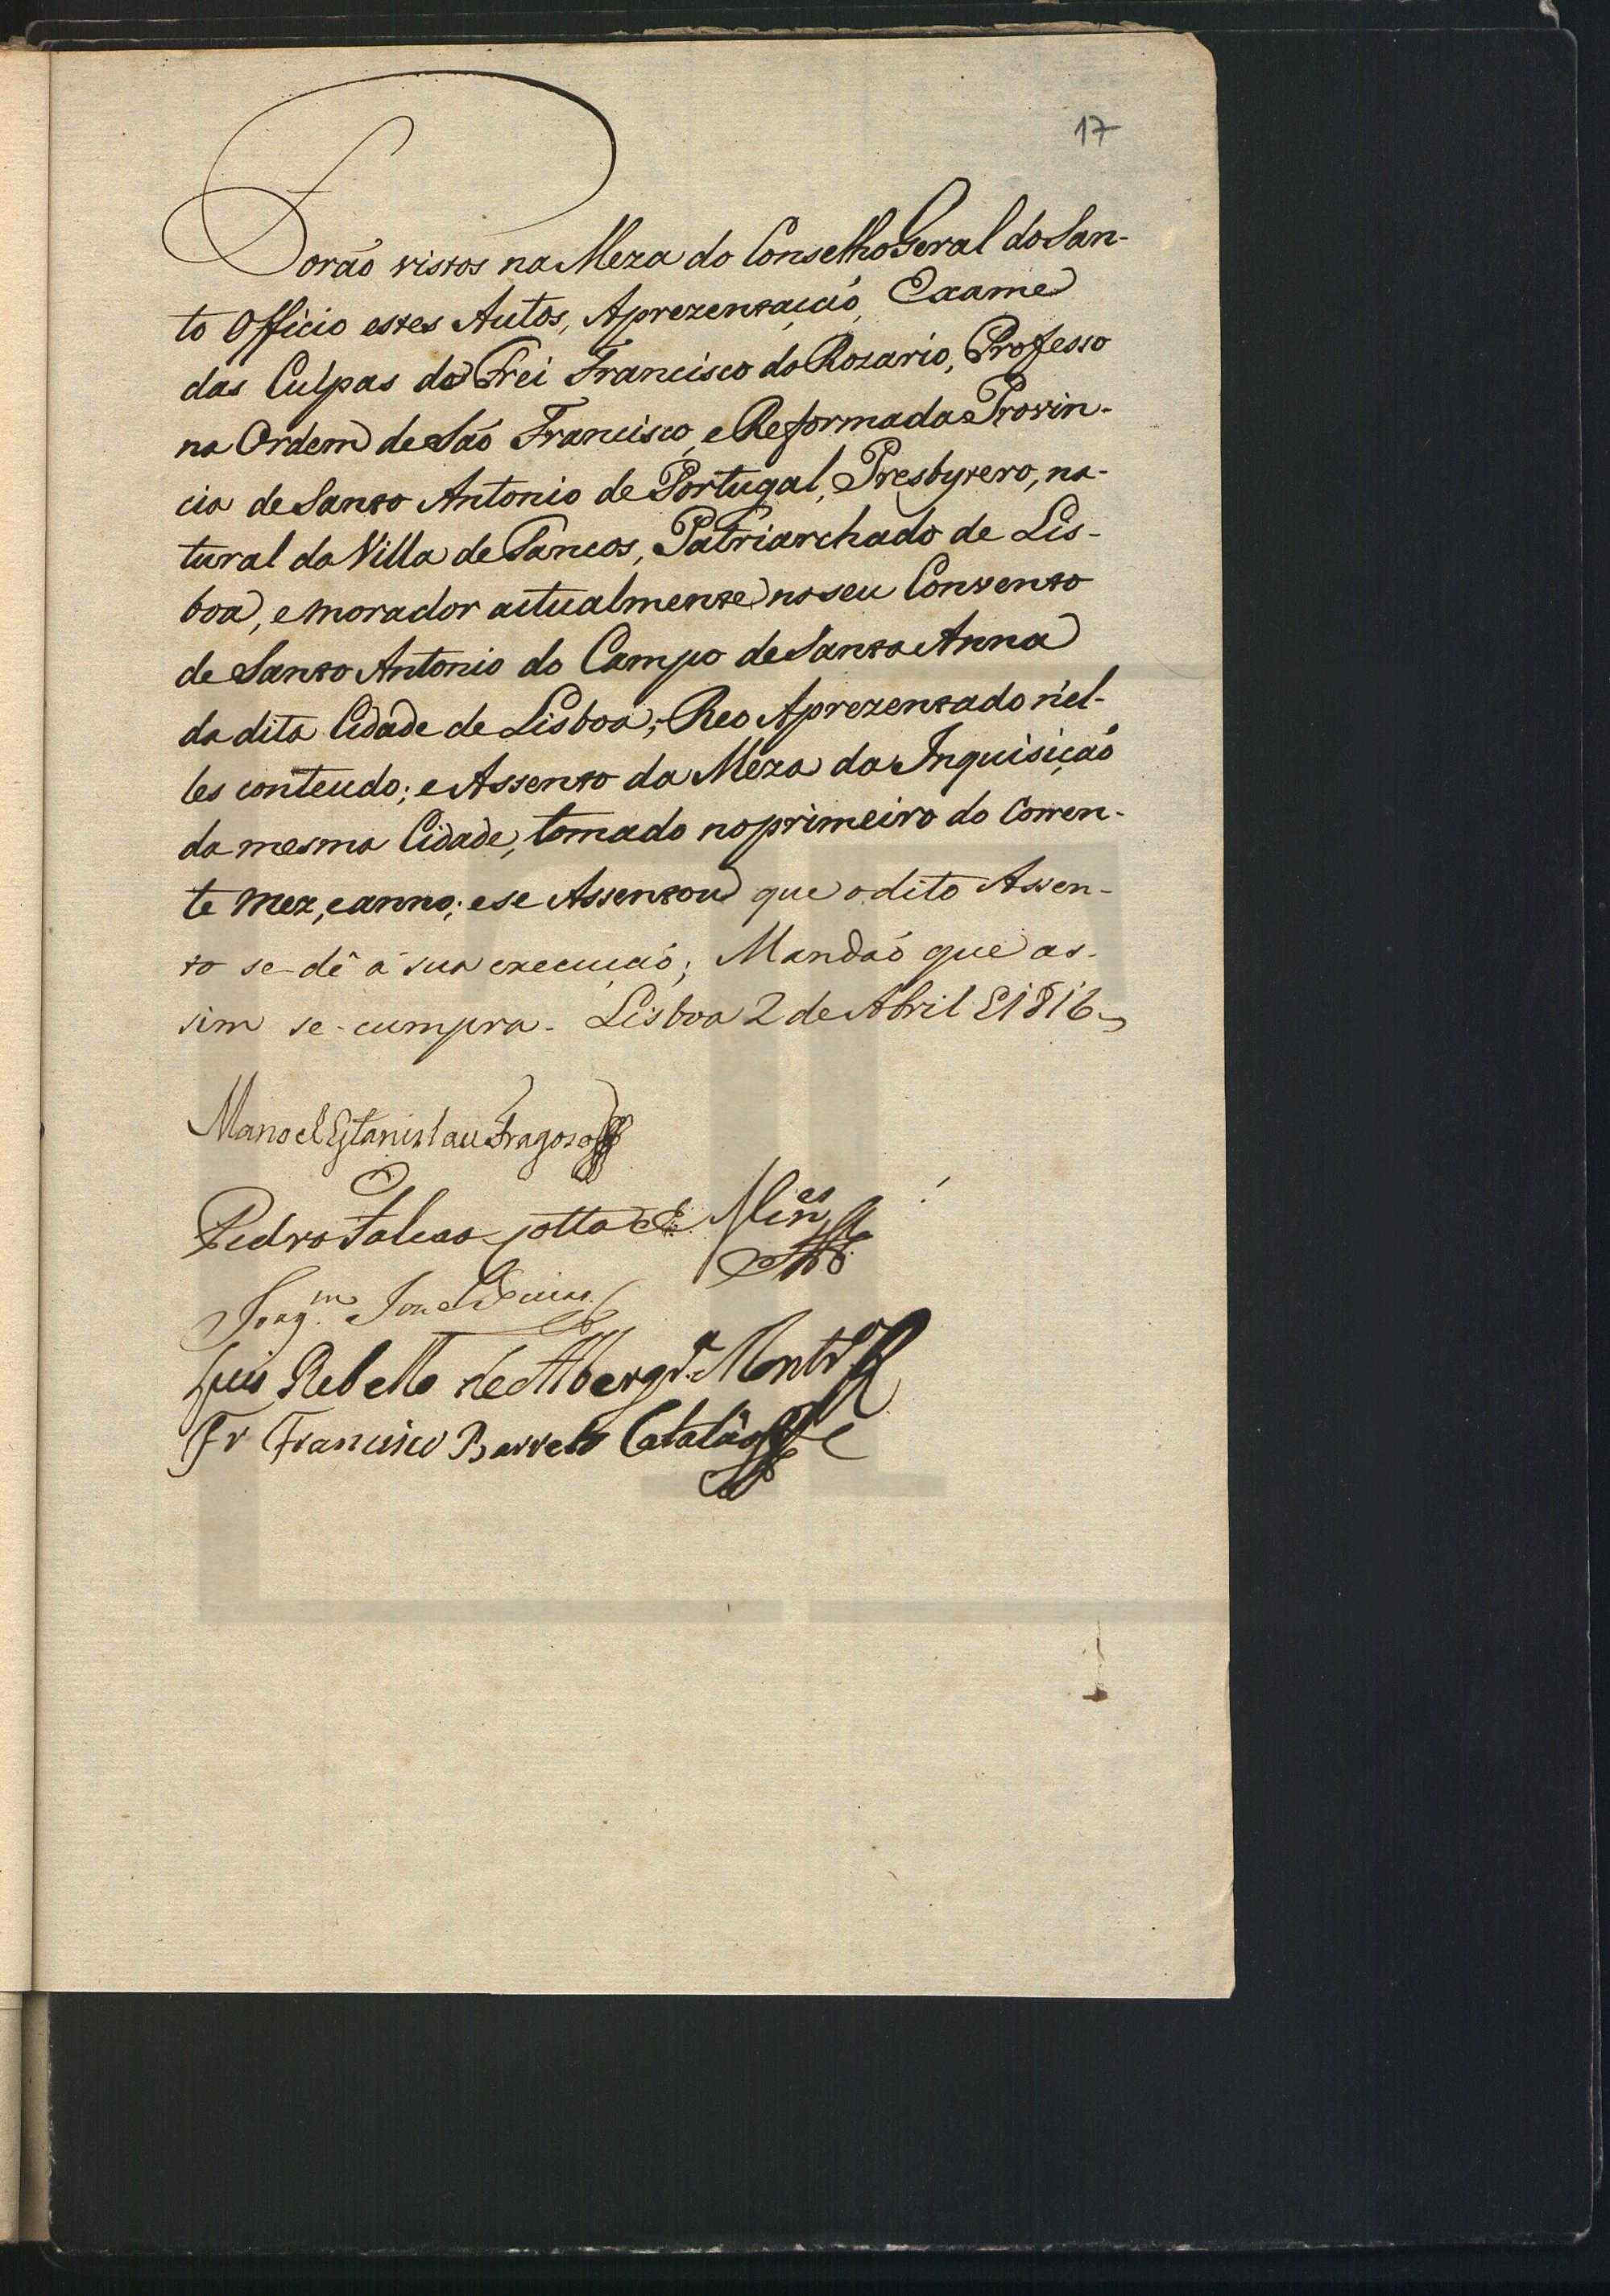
Foraõ vistos na Meza do Conselho Geral do San
to Officio estes Autos, Aprezentaçaõ, Exame
das Culpas de Frei Francisco do Rozario, Professo
na Ordem de Saõ Francisco, e Reformada Provin
cia de Santo Antonio de Portugal, Presbytero, na
tural da Villa de Tancos, Patriarchado de Lis
boa, e morador actualmente no seu Convento
de Santo Antonio do Campo de Santa Anna
da dita Cidade de Lisboa, Reo aprezentado nel
les conteudo; e Assento da Meza da Inquisiçaõ
da mesma Cidade, tomado no primeiro do corren
te mez, e anno; e se Assentou que o dito Assen
to se dê a sua execuçaõ; Mandaõ que as
sim se cumpra. Lisboa 2 de Abril d̄ 1816
Manoel Estanislau Fragoso
Pedro Falcao Cotta e Men.es
Joaq.m Ioze Guiao
Luis Rebello de Albergr.a Montr.o
Fr Francisco Barreto Catalão
